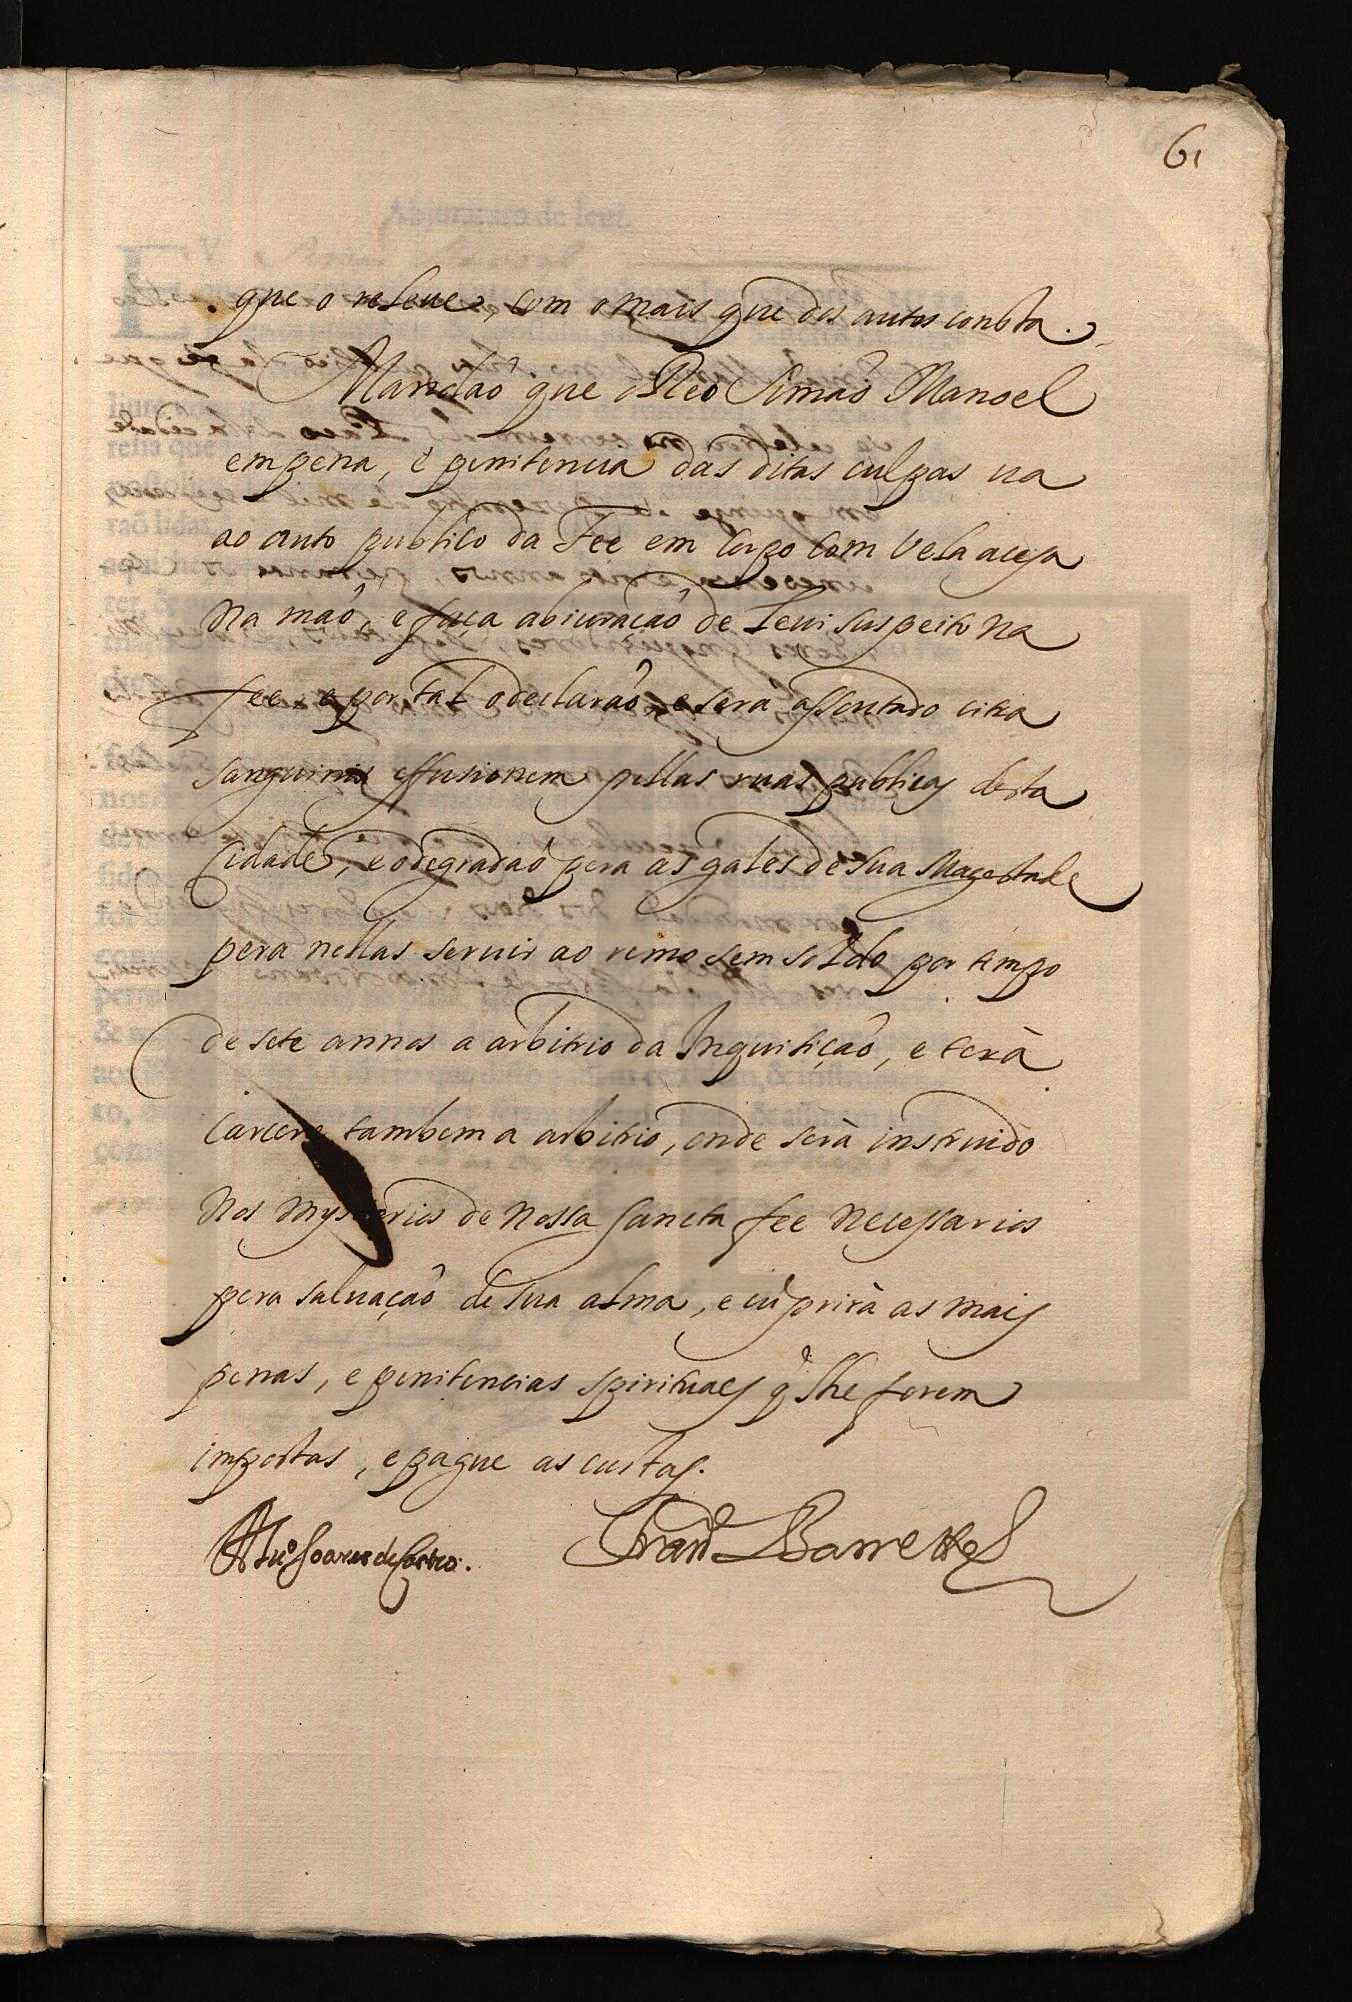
que o releue, com o mais que dos autos consta.
Mandaõ que o Reo Simaõ Manoel
em pena, e penitencia das ditas culpas ua
ao auto publico da Fee em corpo com vela acesa
na maõ, e faça abiuração de Leui suspeito na
fee e por tal o declaraõ e sera assoutado citra
sanguinis effusionem pellas ruas publicas desta
Cidade, e o degradaõ pera as gales de Sua Magestade
pera nellas seruir ao remo sem soldo por tempo
de sete annos a arbitrio da Inquisiçaõ, e terà
carcere tambem a arbitrio, onde serà instruido
nos mys_erios de nossa Sancta fee necessarios
pera saluaçaõ de sua alma, e cūprirà as mais
penas, e penitencias spirituaes q̄ lhe forem
impostas, e pague as custas.
